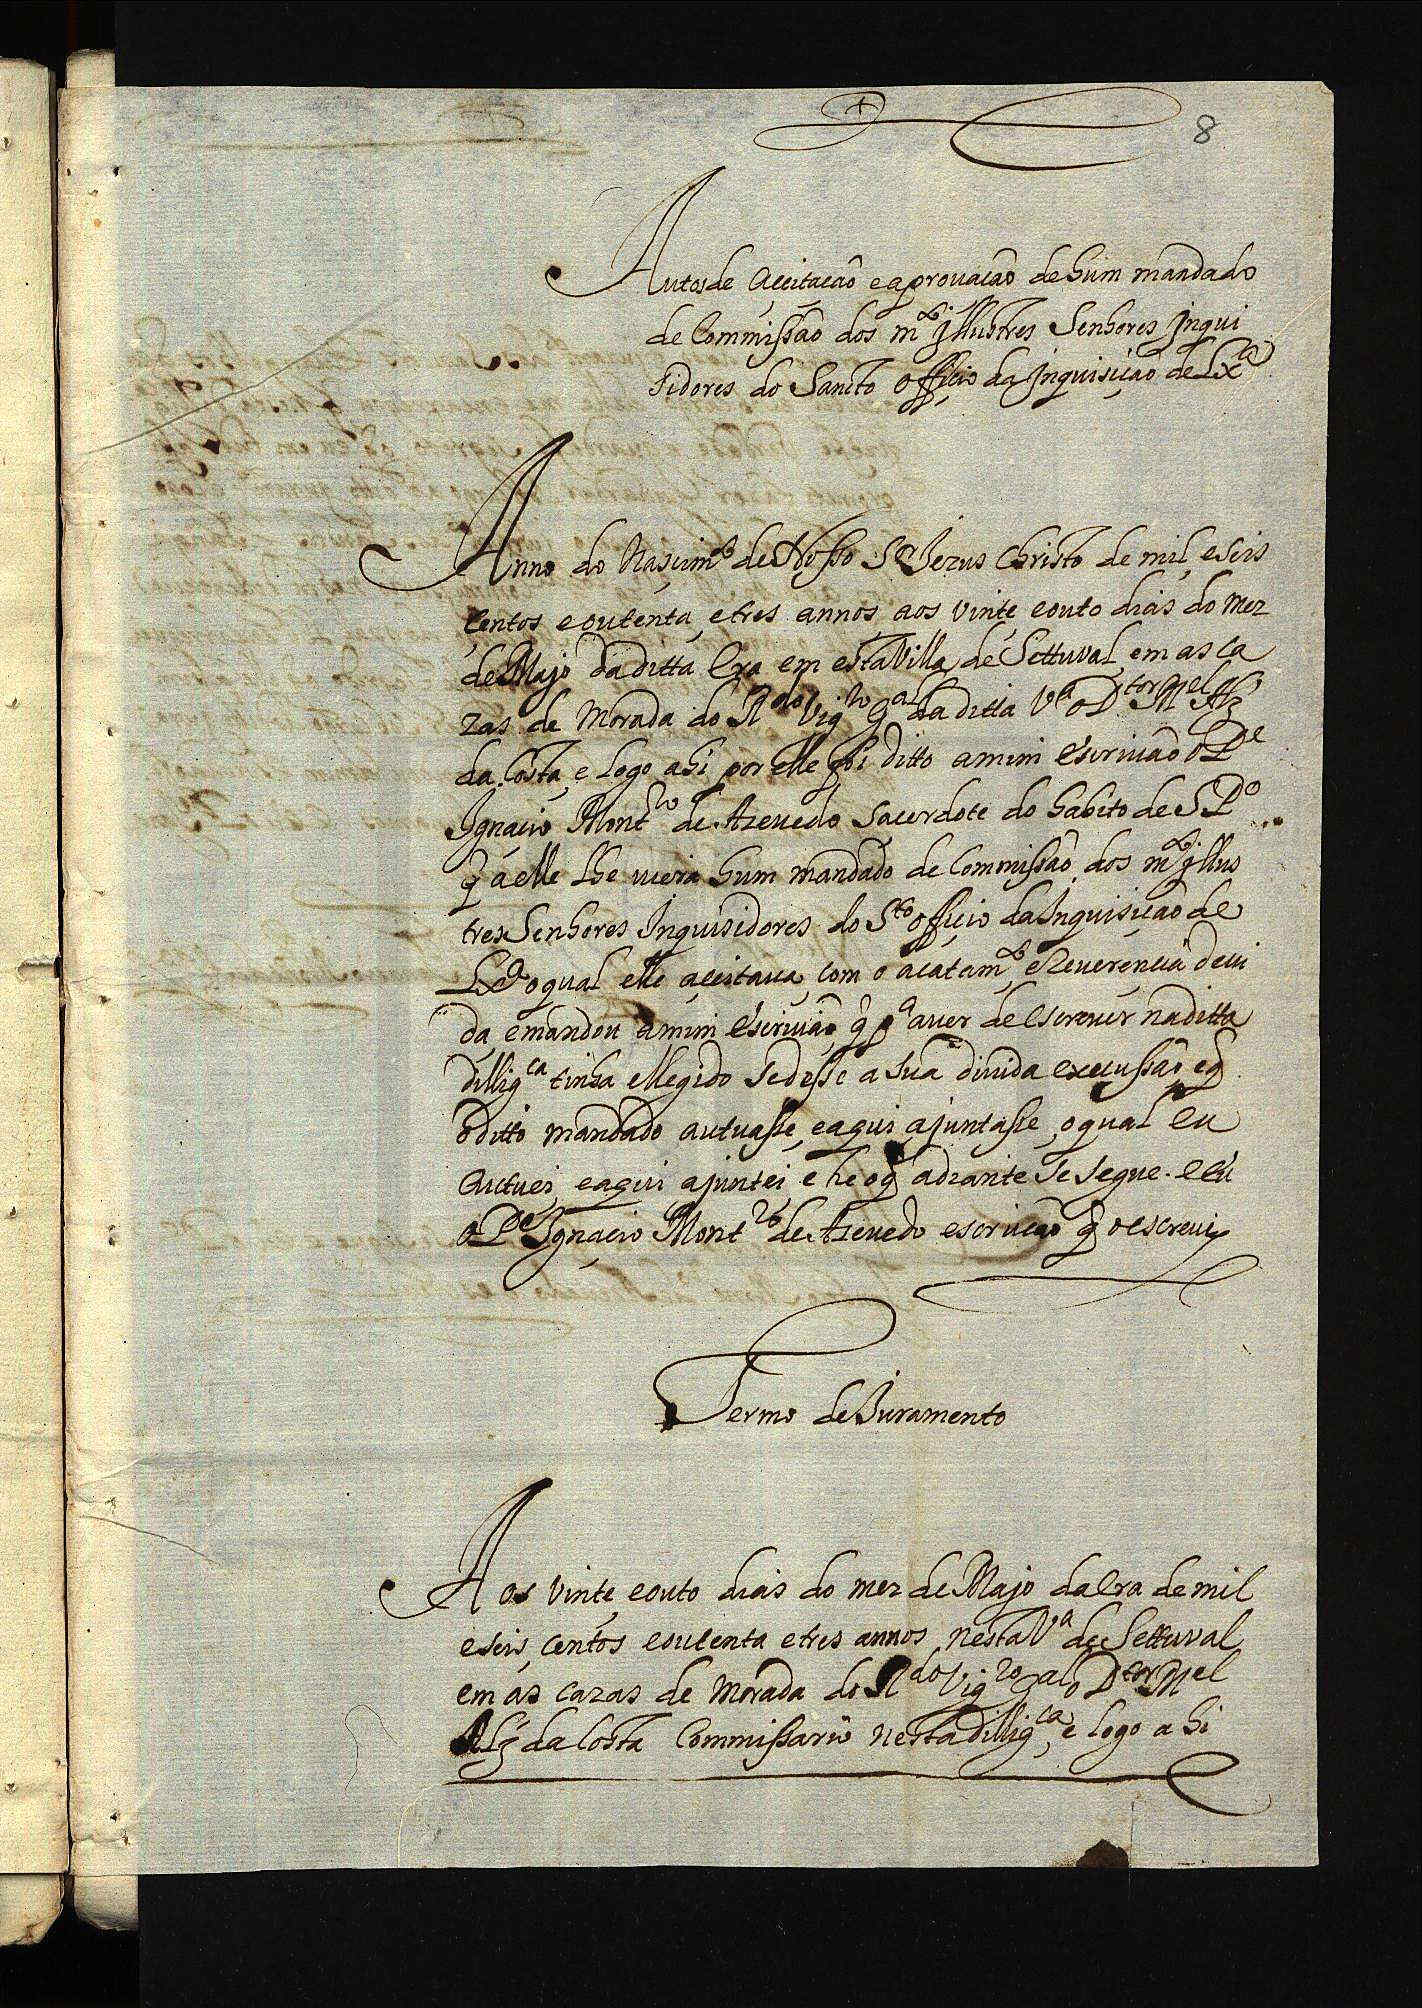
Autos de aceitaçaõ e aprouação de hum mandado
de Commissão dos mto Jllustres Senhores Jnqui
sidores do Sancto officio da Jnquisição de Lxa
Anno do nascimto de Nosso Sor Iezus christo de mil e seis
centos e outenta, e tres annos aos vinte, e outo dias do mez
de Majo da ditta Era em esta Villa, de Setuval, em as ca
zas de morada do Rdo Vigro Gal da ditta V.a o Dtor Mel Alz̄
da Costa, e logo ahi por elle foi ditto a mim escriuaõ o Pe
Ignacio Montro de Azeuedo Sacerdote do habito de S Po
q̄ a elle lhe uiera hum mandado de Commissão dos mto jllus
tres Senhores Inquisidores do Sto officio da Inquisiçaõ de
Lxa o qual elle aceitaua, com o acatamto, e Reuerencia deui
da, e mandou a mim escriuaõ, q̄ pa auer de escreuer na ditta
dilligca tinha ellegido se desse a sua diuida execussaõ, e q̄
o ditto mandado autuasse, e aqui ajuntasse, o qual eu
autuei, e aqui ajuntei, e he o q̄ adiante se segue. e eu
o Pe Ignacio Montro de Azeuedo escriuaõ q̄ o escreui
Termo de Iuramento
Aos vinte e outo dias do mez de Majo da era de mil
e seiscentos e outenta e tres annos nesta Va de Settuval
em as cazas de morada do Rdo Vigro Gal o Dtor Mel
Alz̄ da Costa Commissario nesta dilligca, e logo ahi
